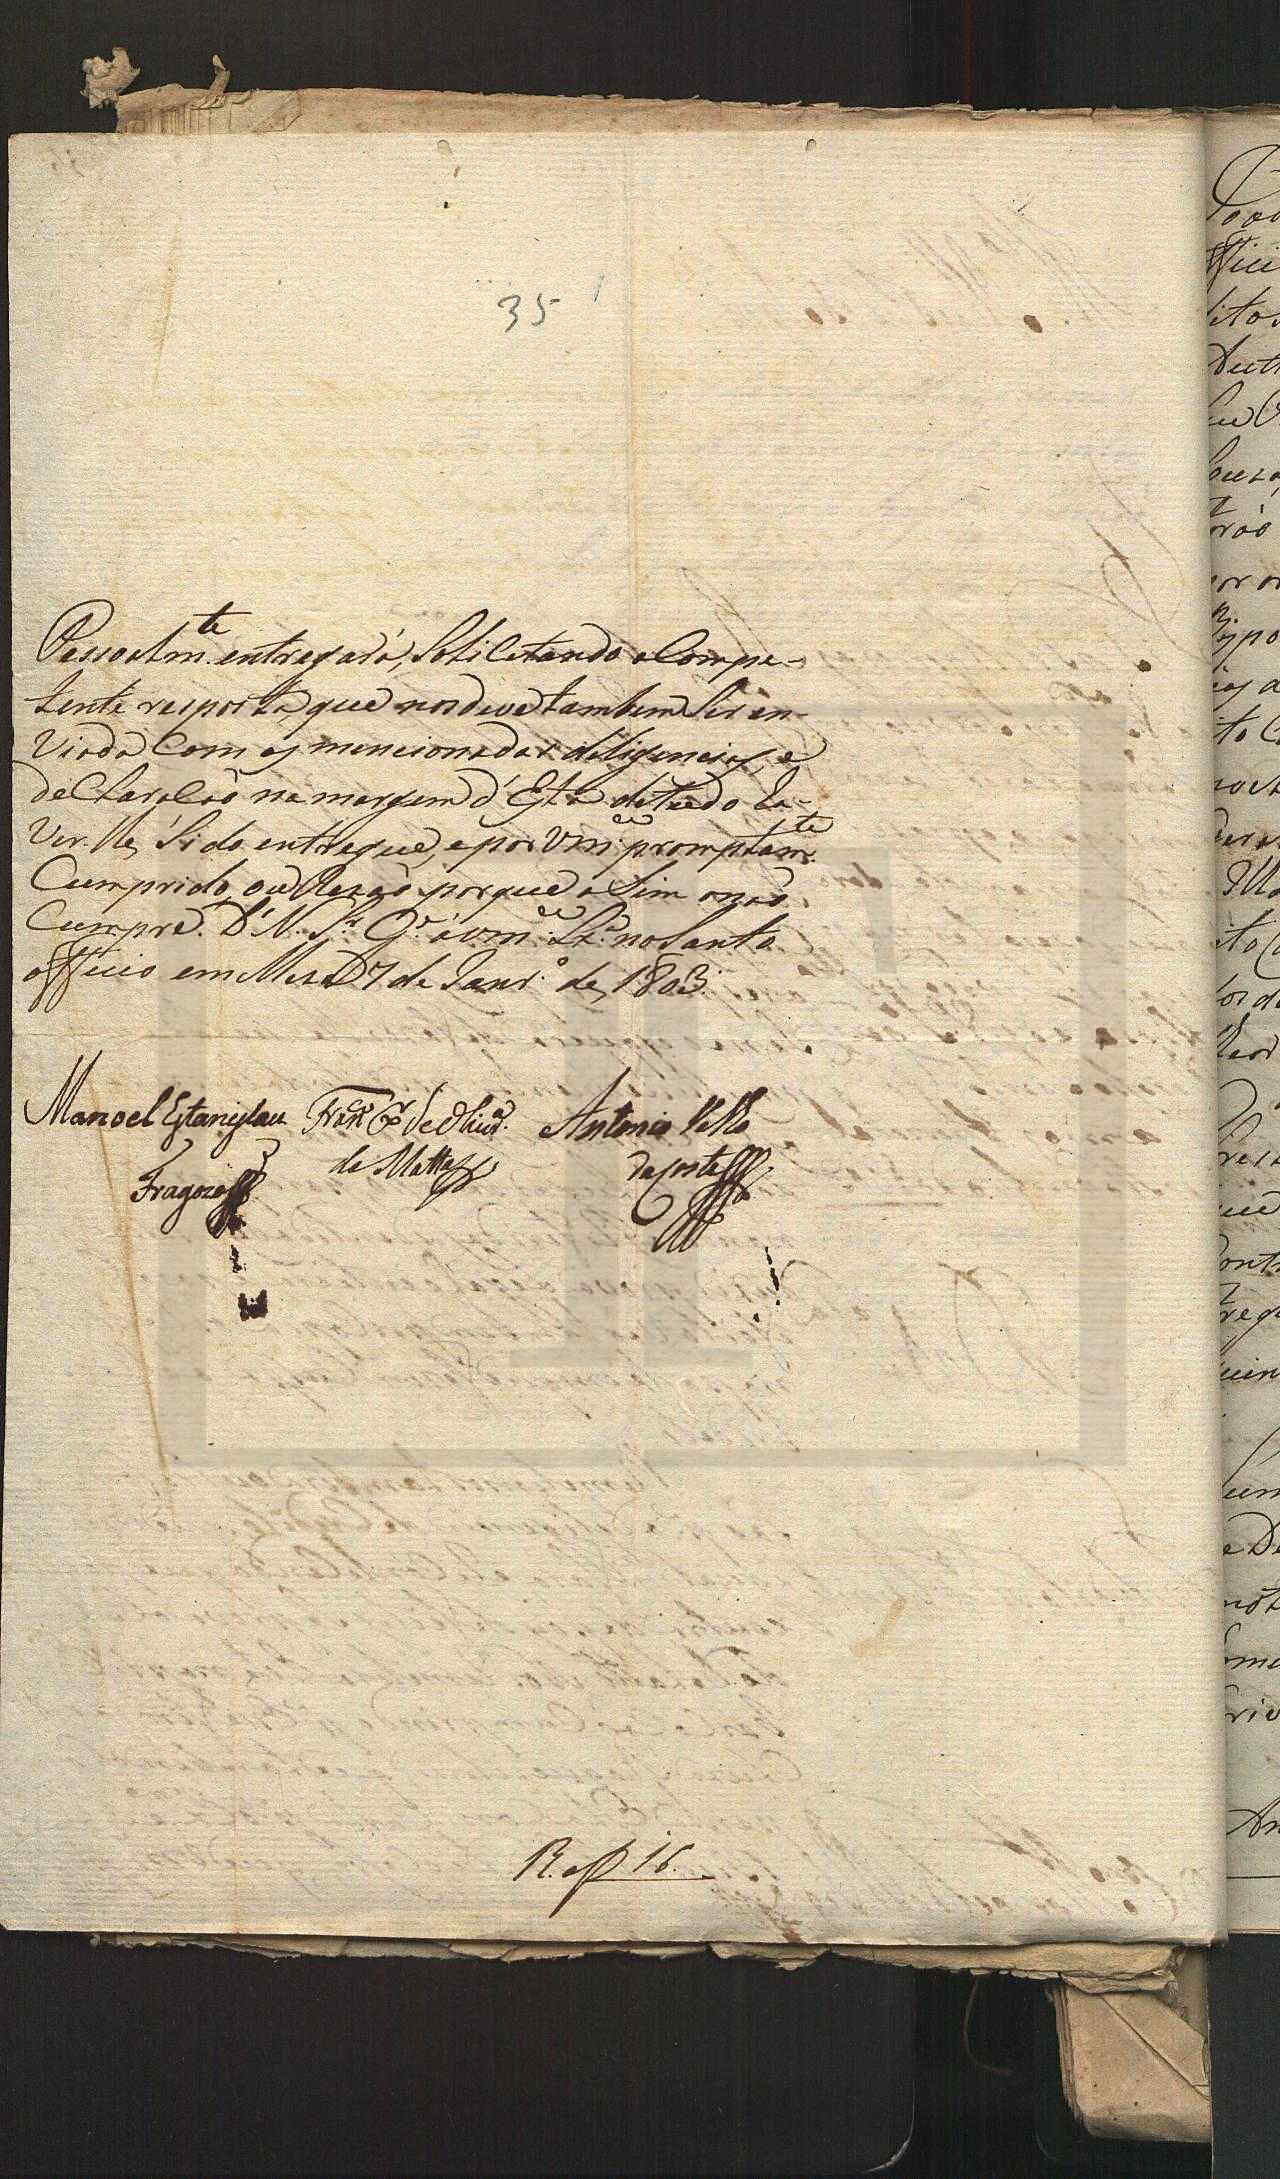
Pessoalm.te entregada, SoliCitando a Compe
tente resposta, que nos deve tambem Ser en
viada com as mencionadas deligencias, e
deClaraÇaõ na margem d'Esta de tudo ha
Ver-lhe Sido entregue, e por vm.ce promptam.te
Cumprido, ou Rezaõ porque aSim o naõ
Cumpre. D̄ N. S.r G.r a vm.ce Lx.a no Santo
officio em Meza 7 de Ianr.o de 1803.
Manoel Estanistau
Franco xr de Oliur.a
Antonio Velho
Fragozo
da Matta
da Costa
R. a f 16.
